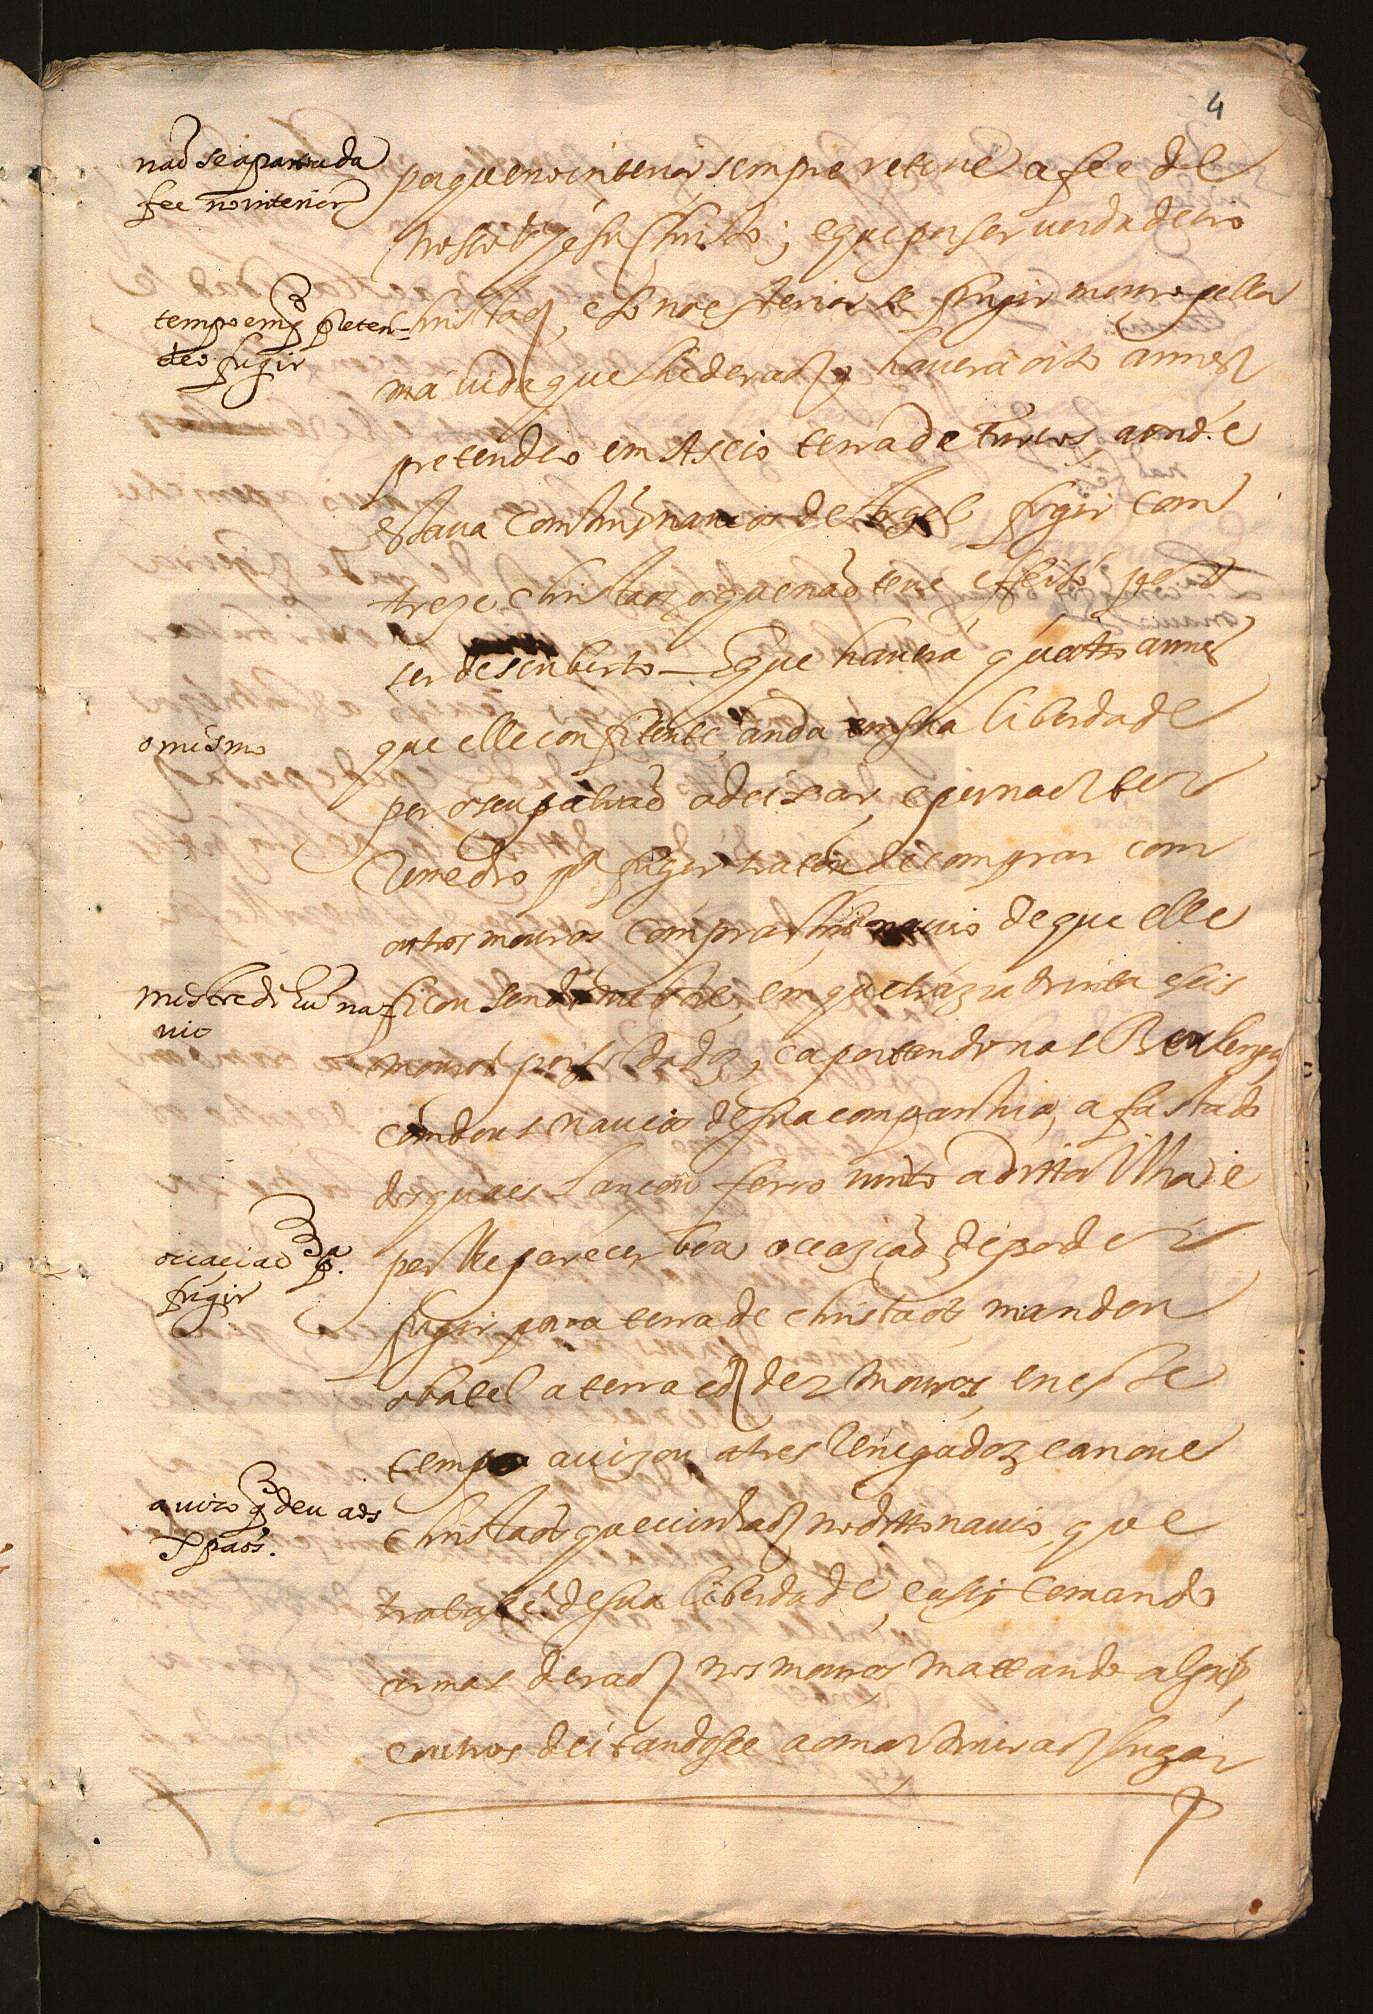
naõ se apartou da
porque no interior sempre reteue a fee de
fee no interior
nosso sor jesu Christo; e que por ser uerdadeiro
tempo em q̄ preten
christaõ, e so no exterior se fingir mouro pella
deo fugir
má uida que lhe deraõ hauerà oito annos
pretendeo em Ascio terra de Turcos, aonde
estaua com hūs nauios de Argel fugir com
treze christaõs, o que naõ teue effeito por
ser descuberto - E que hauerá quatro annos
que elle confitente anda em sua liberdade
o mesmo
por o seu patraõ o deixar, e por naõ ter
Remedio pa fugir tratou de comprar com
outros mouros comprar hū nauio de que elle
mestre de hū na
ficou sendo mestre, em que trazia trinta e seis
uio
mouros por soldadoz, e aportando nas Berlengas
com dous nauios de sua companhia, afastado
dos quaes Lançou ferro iunto a ditta Ilha e
por lhe parecer boa occaziaõ de poder
occaciaõ pa.
fugir
fugir para terra de christaõs, mandou
o batel a terra cō dez mouros, e neste
tempo auizou a tres Renegados e a noue
auizo q̄ deu aos
christaõs que uinhaõ no ditto nauio, que
Xpaõs.
tratassē de sua liberdade, e assy tomando
armas deraõ nos mouros, mattando algūs,
e outros deitandosse ao mar, tiueraõ lugar
